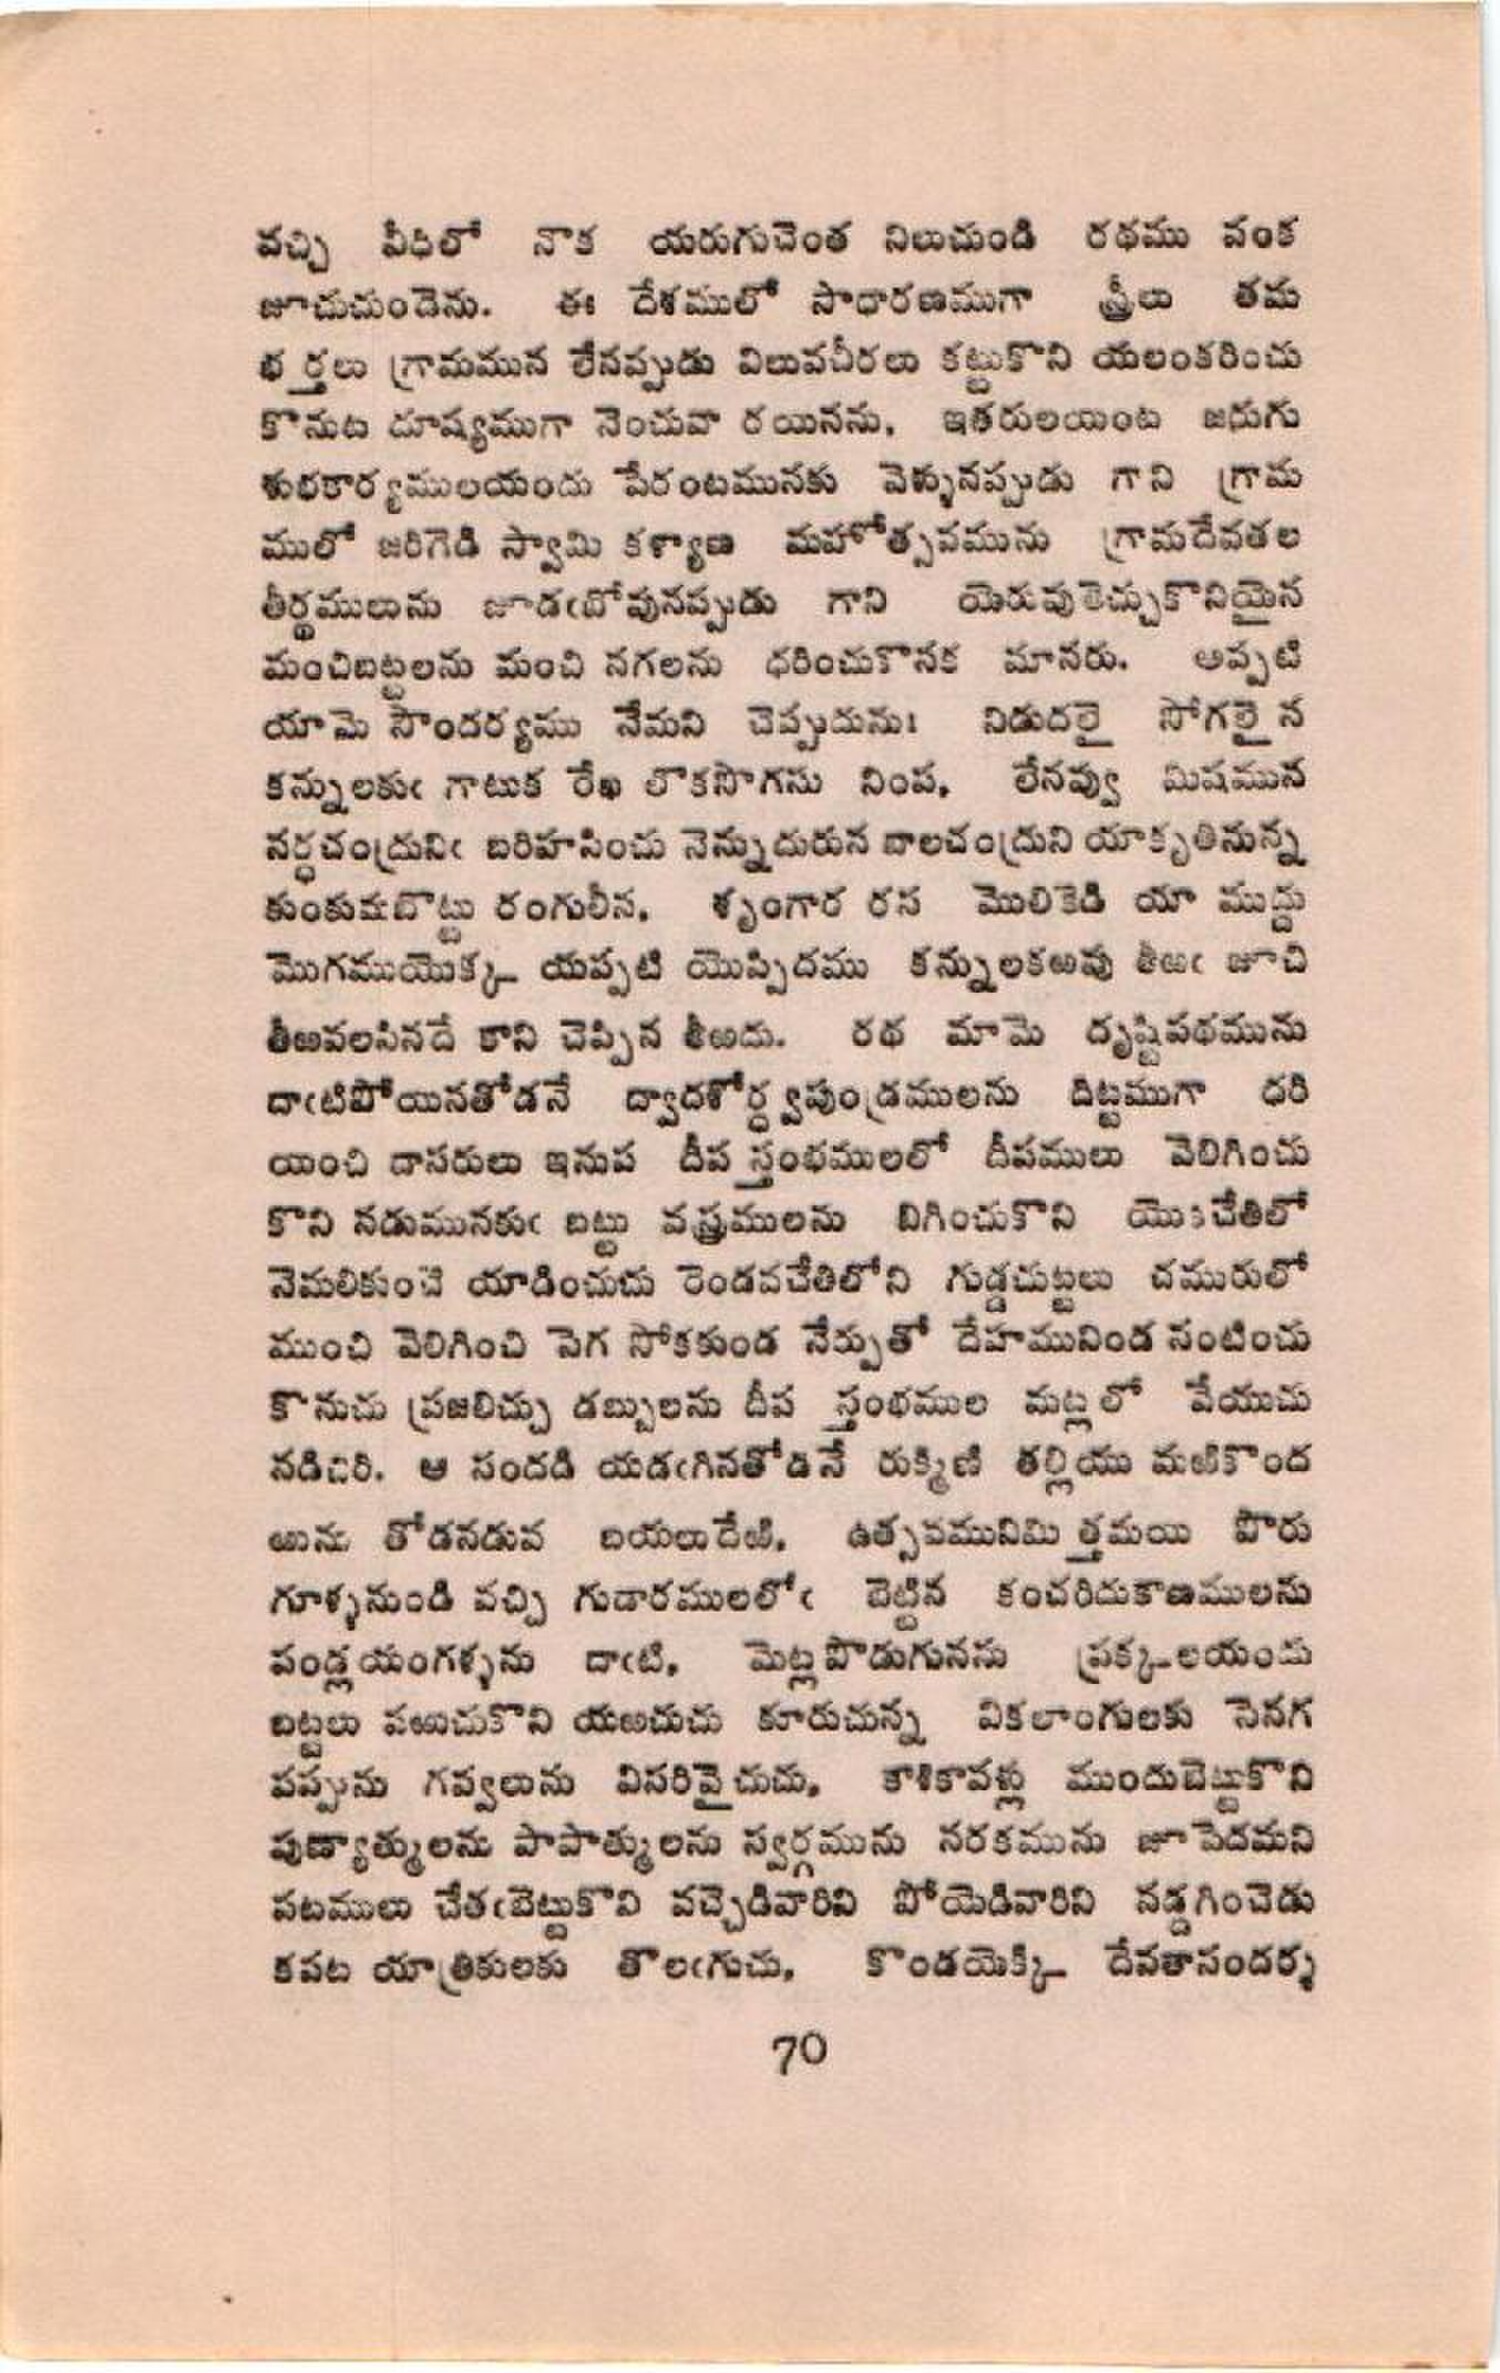వచ్చి వీధిలో నొక యరుగుచెంత నిలుచుండి రథము వంక జూచుచుండెను. ఈ దేశములో సాధారణముగా స్త్రీలు తమ భర్తలు గ్రామమున లేనప్పడు విలువచీరలు కట్టుకొని యలంకరించు కొనుట దూష్యముగా నెంచువా రయినను, ఇతరులయింట జరుగు శుభకార్యములయందు పేరంటమునకు వెళ్ళునప్పుడు గాని గ్రామములో జరిగెడి స్వామి కళ్యాణ మహోత్సవమును గ్రామదేవతల తీర్ధములను జూడఁబోవునప్పుడు గాని యెరువుతెచ్చుకొనియైన మంచిబట్టలను మంచి నగలను ధరించుకొనక మానరు. అప్పటి యామె సౌందర్యము నేమని చెప్పుదును! నిడుదలై సోగలైన కన్నులకుఁ గాటుక రేఖ లొకసొగసు నింప, లేనవ్వు మిషమున నర్థచంద్రునిఁ బరిహసించు నెన్నుదురున బాలచంద్రుని యాకృతినున్న కుంకుమబొట్టు రంగులీన, శృంగార రస మొలికెడి యా ముద్దు మొగముయొక్క- యప్పటి యొప్పిదము కన్నులకఱవు తీఱ జూచి తీఱవలసినదే కాని చెప్పిన తీఱదు. రథ మామె దృష్టిపథమును దాఁటిపోయినతోడనే ద్వాదశోర్ధ్వపుండ్రములను దిట్టముగా ధరి యించి దాసరులు ఇనుప దీప స్తంభములలో దీపములు వెలిగించు కొని నడుమునకుఁ బట్టు వస్త్రములను బిగించుకొని యొకచేతిలో నెమలికుంచె యాడించుచు రెండవ చేతిలోని గుడ్డచుట్టలు చమురులో ముంచి వెలిగించి సెగ సోకకుండ నేర్పుతో దేహము నిండ నంటించు కొనుచు ప్రజలిచ్చు డబ్బులను దీప స్తంభముల మట్లలో వేయుచు నడిచిరి. ఆ సందడి యడఁగినతోడనే రుక్మిణి తల్లియు మఱికొందరును తోడనడువ బయలుదేఱి, ఉత్సవమునిమిత్తమయి పొరు గూళ్ళనుండి వచ్చి గుడారములలో బెట్టిన కంచరీదుకాణములను పండ్ల యంగళ్ళను దాఁటి, మెట్ల పొడుగునను ప్రక్కలయందు బట్టలు పఱచుకొని యఱచుచు కూరుచున్న వికలాంగులకు సెనగపప్పును గవ్వలును విసరివైచుచు, కాశికావళ్ళు ముందుబెట్టుకొని పుణ్యాత్ములను పాపాత్ములను స్వర్గమును నరకమును జూపెదమని పటములు చేతఁబెట్టుకొని వచ్చెడివారిని పోయెడివారిని నడ్డగించెడు కపట యాత్రికులకు తొలఁగుచు, కొండయెక్కి దేవతాసందర్శ